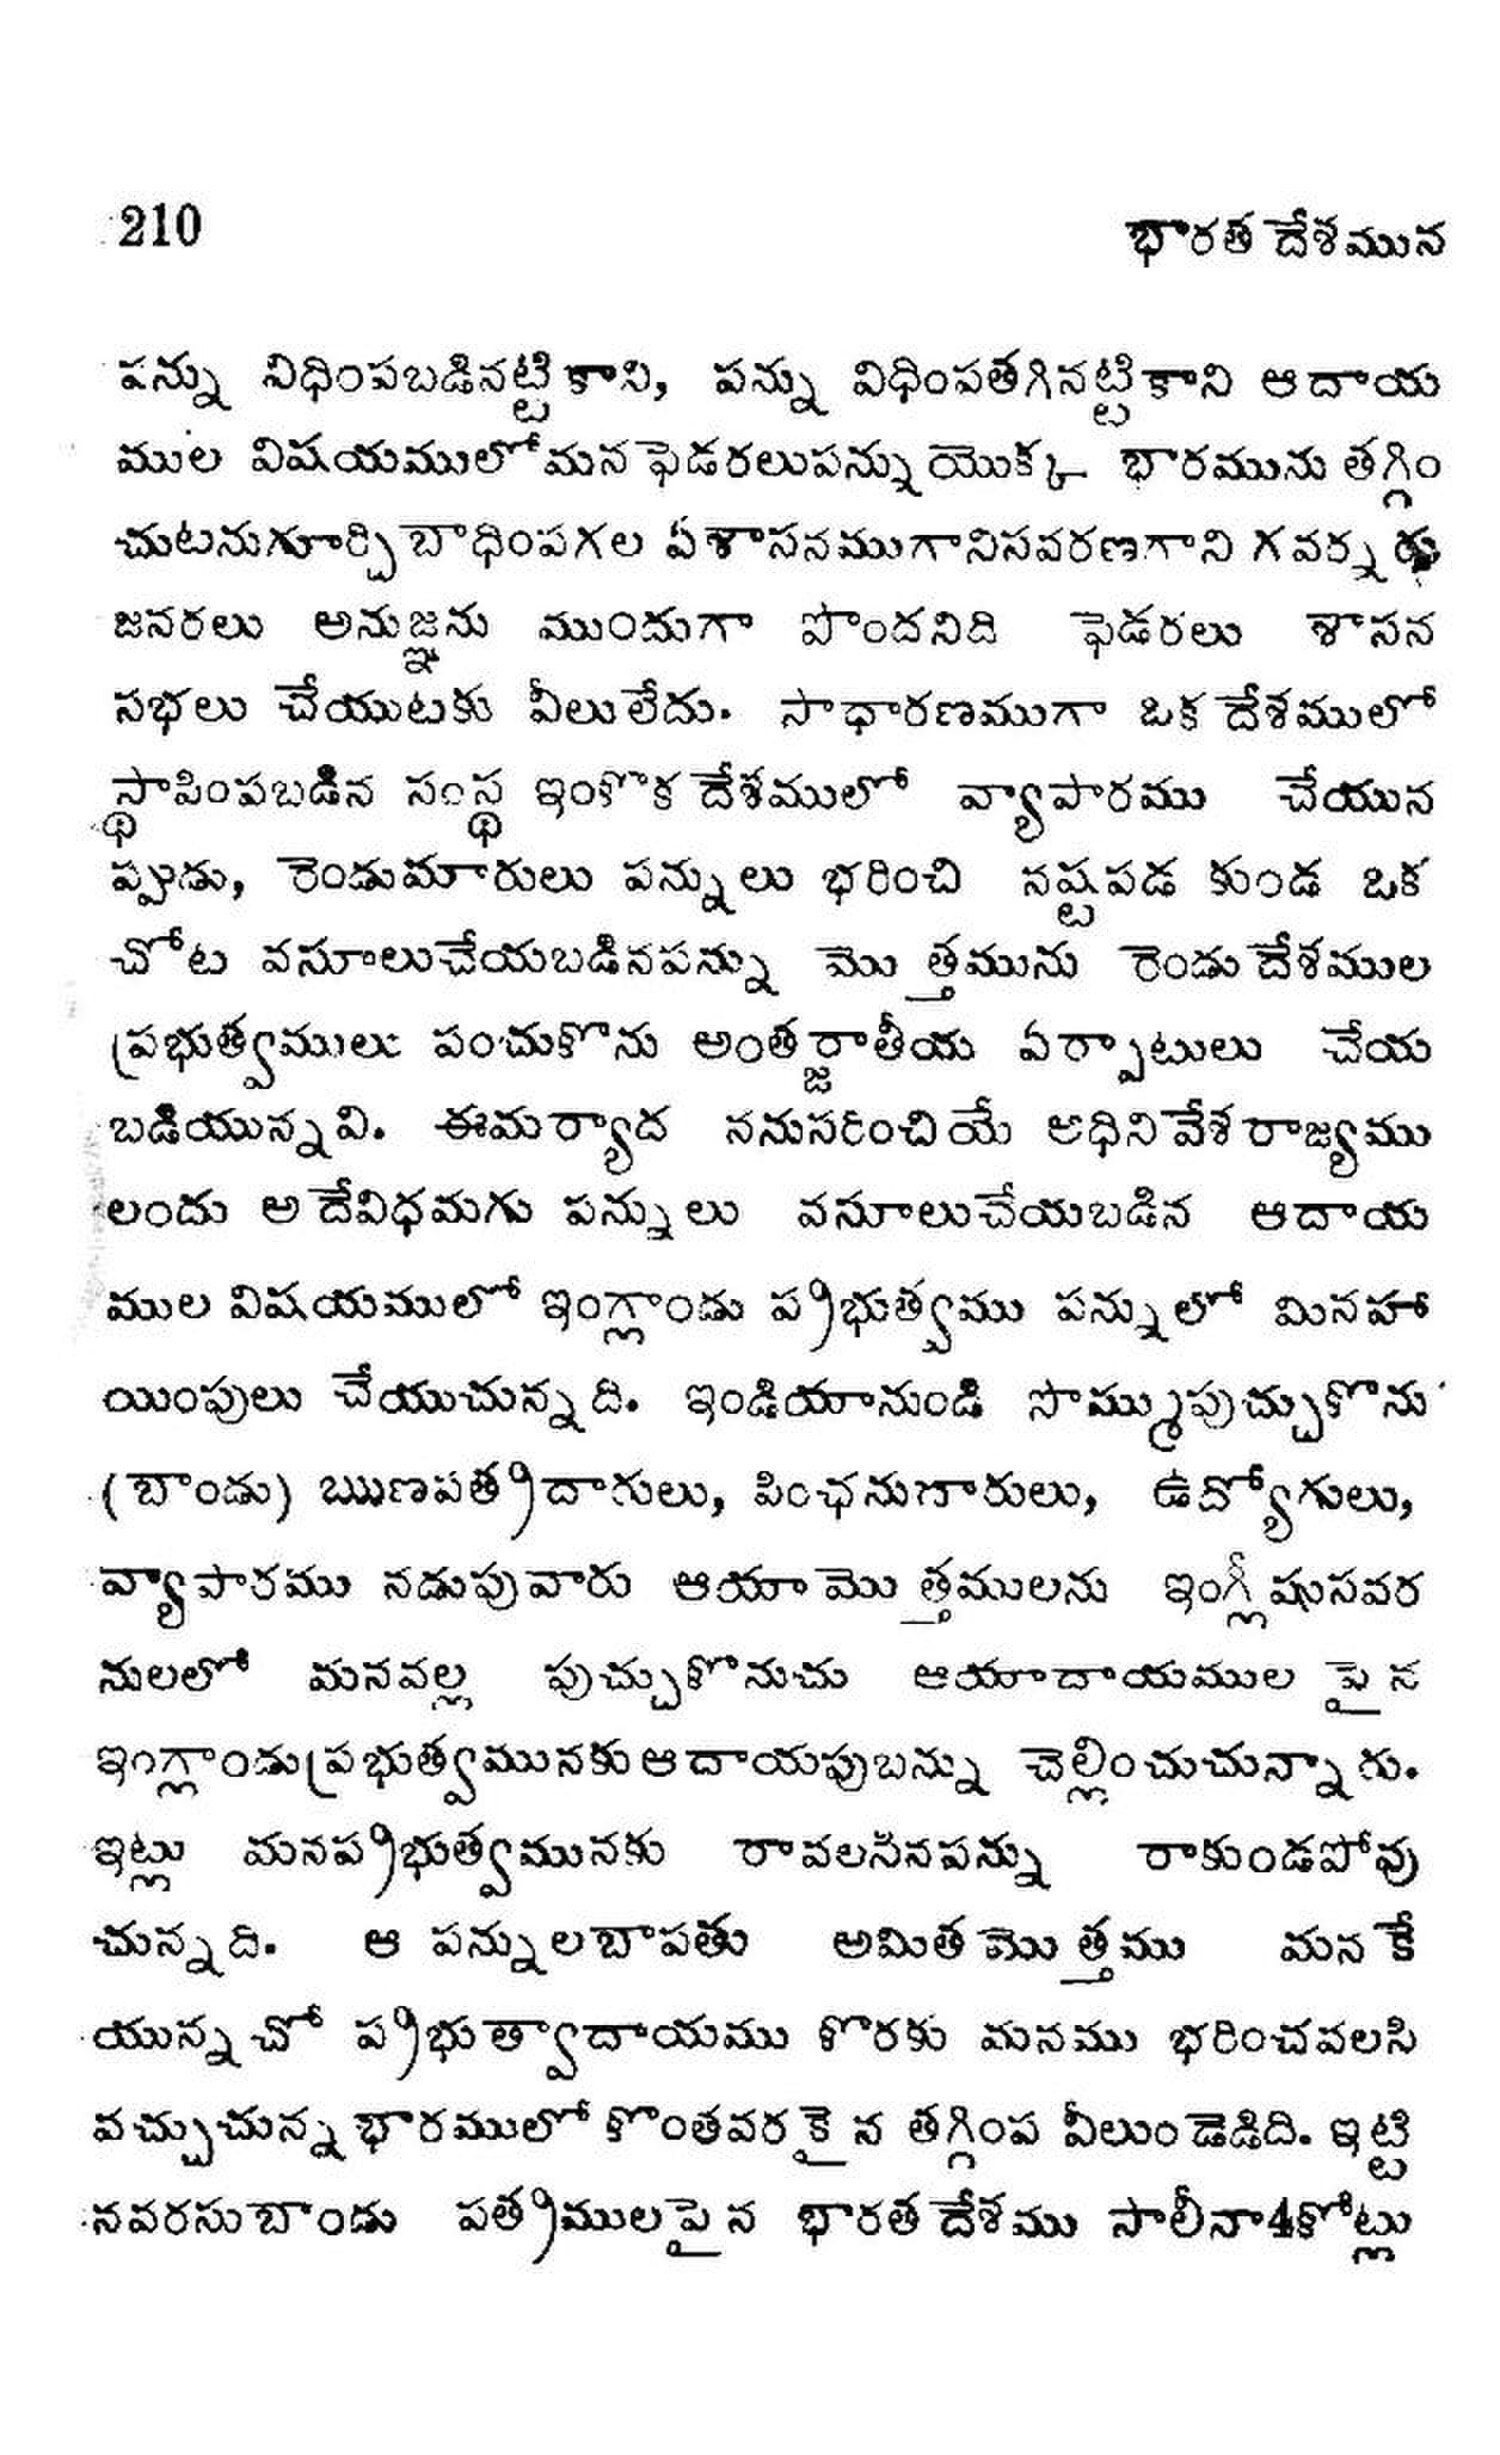పన్ను విధింపబడినట్టి కాని, పన్ను విధింపతగినట్టికాని ఆదాయముల విషయములో మన ఫెడరలుపన్నుయొక్క భారమును తగ్గించుటనుగూర్చి బాధింపగల ఏశాసనముగానిసవరణగాని గవర్నరు జనరలు అనుజ్ఞను ముందుగా పొందనిది ఫెడరలు శాసనసభలు చేయుటకు వీలులేదు. సాధారణముగా ఒకదేశములో స్థాపింపబడిన సంస్థ ఇంకొకదేశములో వ్యాపారము చేయునప్పుడు, రెండుమారులు పన్నులు భరించి నష్టపడ కుండ ఒకచోట వసూలుచేయబడినపన్ను మొత్తమును రెండుదేశముల ప్రభుత్వములు పంచుకొను అంతర్జాతీయ ఏర్పాటులు చేయబడియున్నవి. ఈమర్యాద ననుసరించియే అధినివేశరాజ్యములందు అదేవిధమగు పన్నులు వసూలుచేయబడిన ఆదాయముల విషయములో ఇంగ్లాండు ప్రభుత్వము పన్నులో మినహాయింపులు చేయుచున్నది. ఇండియానుండి సొమ్ముపుచ్చుకొను ( బాండు) ఋణపత్రదారులు, పింఛనుదారులు, ఉద్యోగులు, వ్యాపారము నడుపువారు ఆయామొత్తములను ఇంగ్లీషుసవరనులలో మనవల్ల పుచ్చుకొనుచు ఆయాదాయముల పైన ఇంగ్లాండు ప్రభుత్వమునకు ఆదాయపుబన్ను చెల్లించుచున్నారు. ఇట్లు మనప్రభుత్వమునకు రావలసినపన్ను రాకుండపోవు చున్నది. ఆ పన్నులబాపతు అమితమొత్తము మనకే యున్నచో ప్రభుత్వాదాయము కొరకు మనము భరించవలసి వచ్చుచున్నభారములో కొంతవరకైన తగ్గింప వీలుండెడిది. ఇట్టి నవరసుబాండు పత్రములపైన భారతదేశము సాలీనా 4కోట్లు